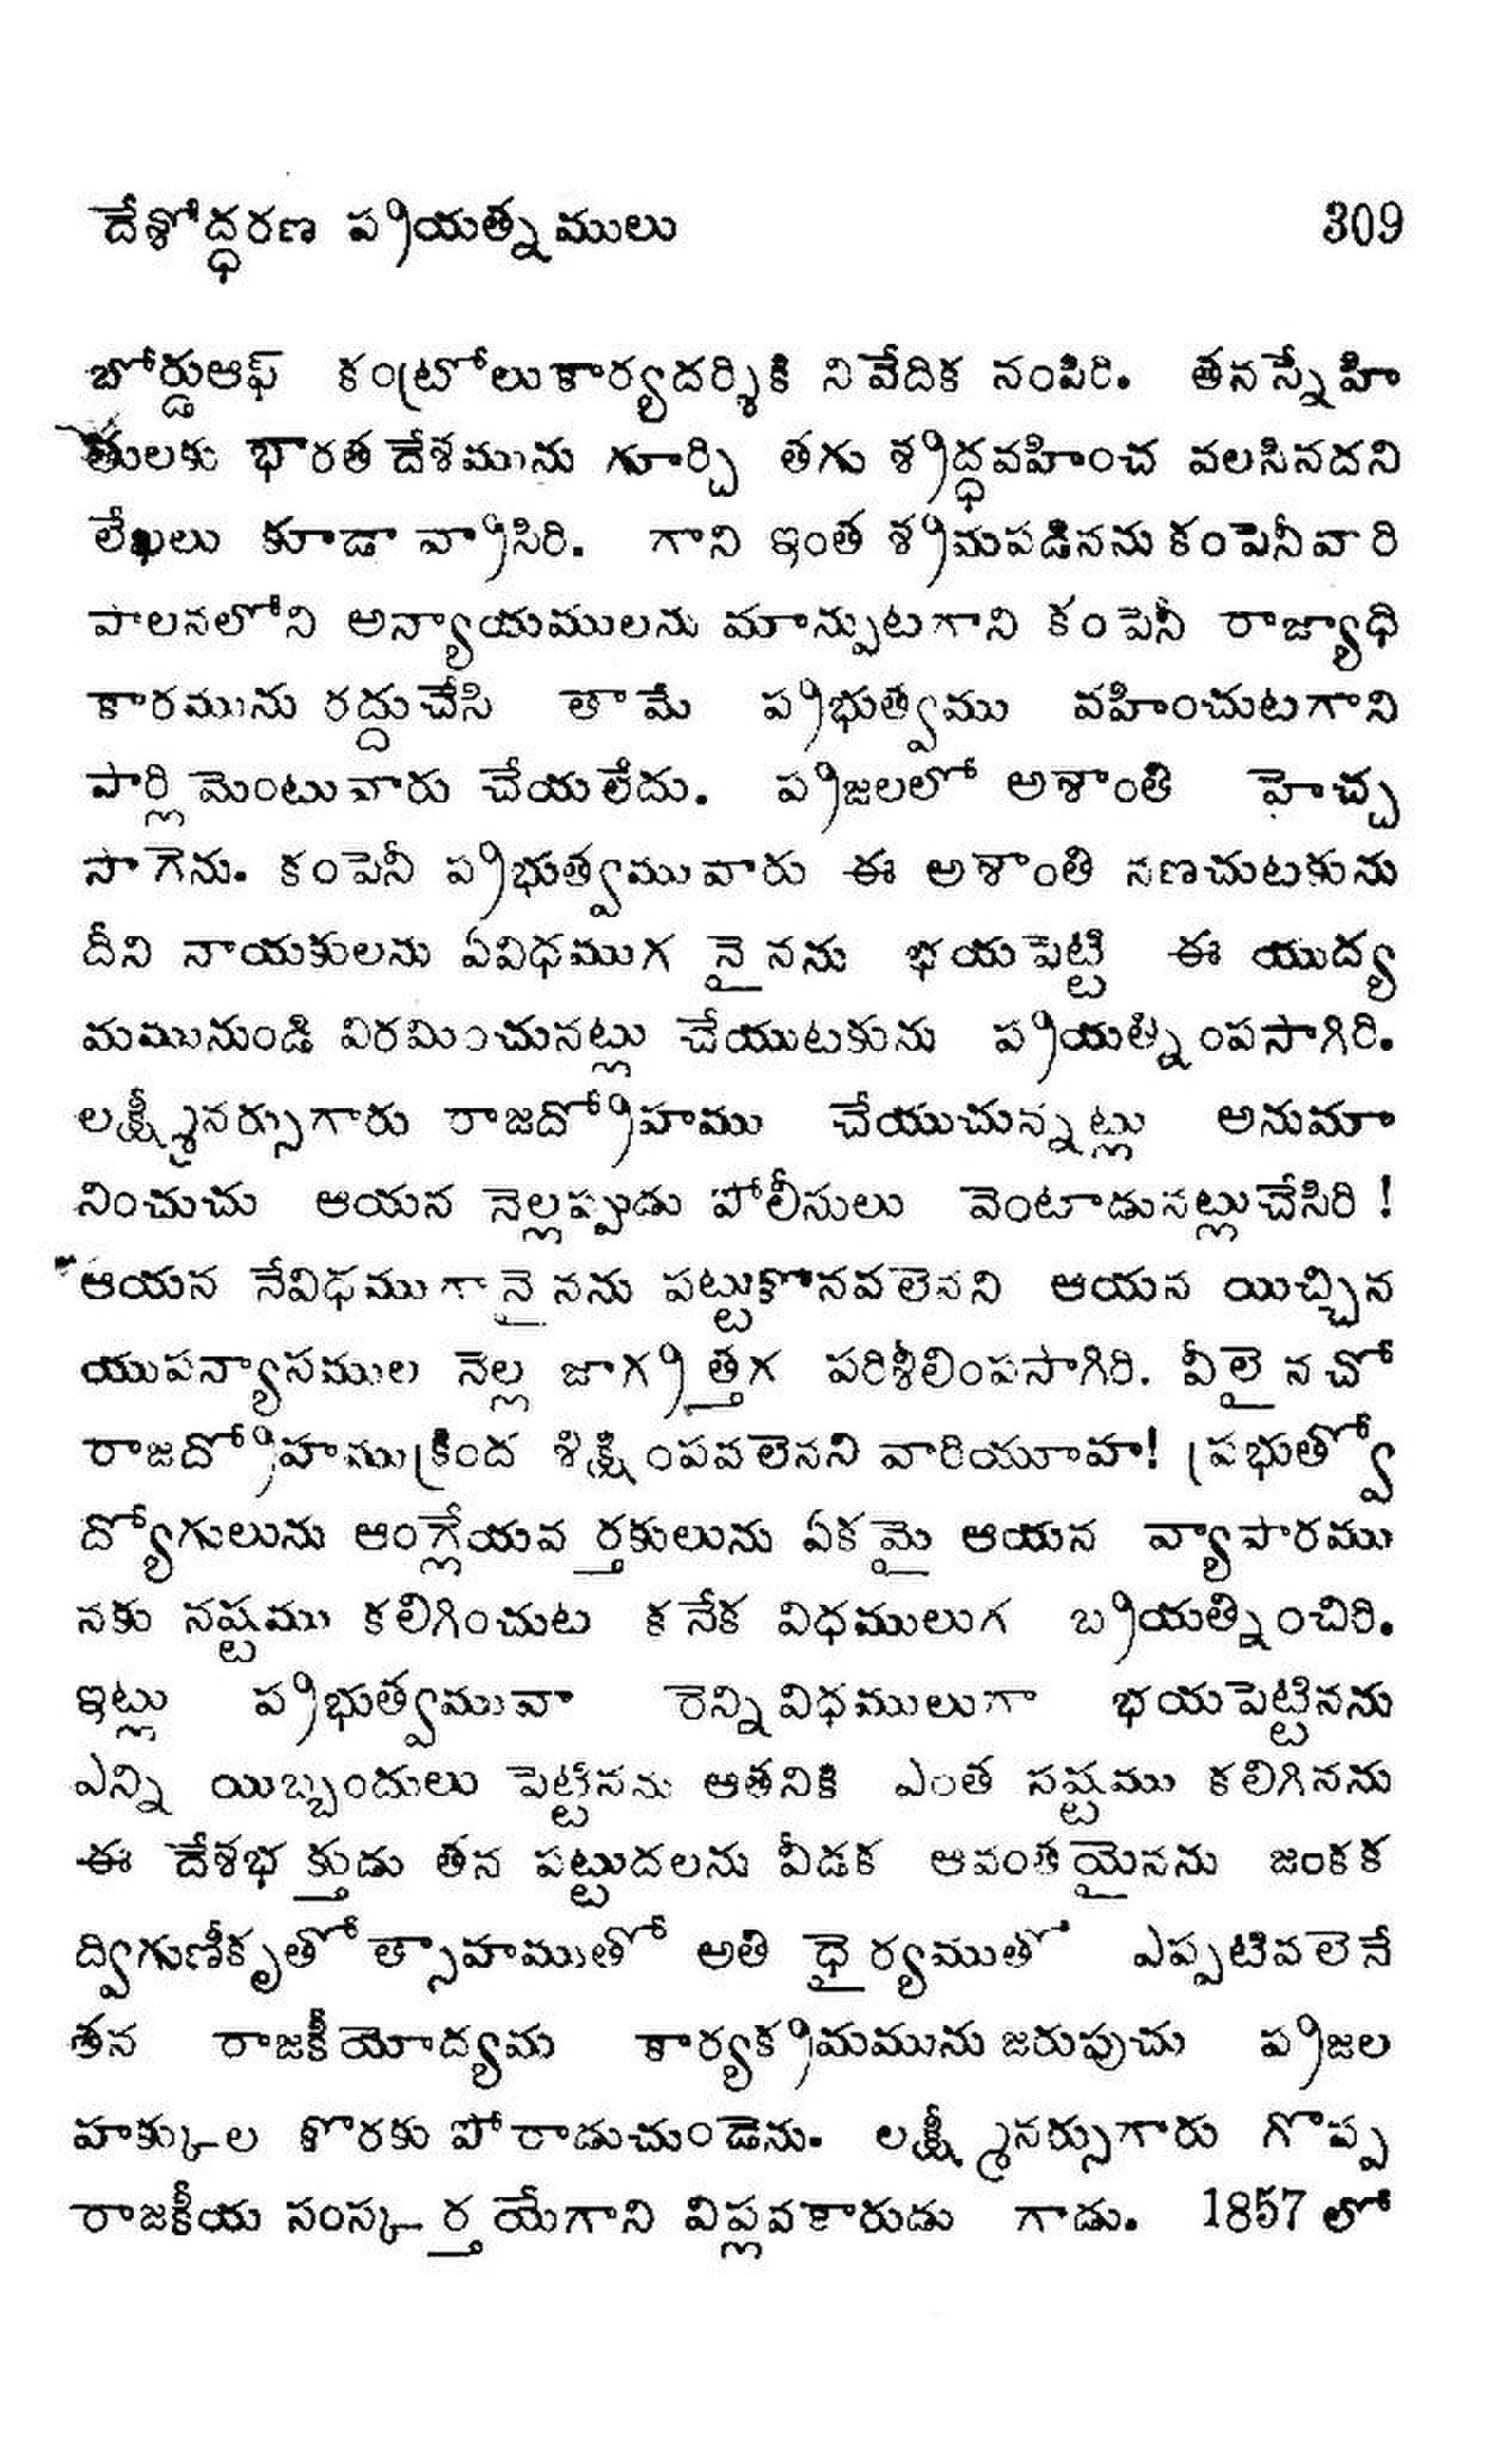బోర్డుఆఫ్ కంట్రోలుకార్యదర్శికి నివేదిక నంపిరి. తనస్నేహితులకు భారతదేశమును గూర్చి తగు శ్రద్దవహించ వలసినదని లేఖలు కూడావ్రాసిరి. గాని ఇంత శ్రమపడినను కంపెనీవారి పాలనలోని అన్యాయములను మాన్పుటగాని కంపెనీ రాజ్యాధికారమును రద్దుచేసి తామే ప్రభుత్వము వహించుటగాని పార్లిమెంటువారు చేయలేదు. ప్రజలలో అశాంతి హెచ్చ సాగెను. కంపెనీ ప్రభుత్వమువారు ఈ అశాంతి నణచుటకును దీని నాయకులను ఏవిధముగ నైనను భయపెట్టి ఈ యుద్యమమునుండి విరమించునట్లు చేయుటకును ప్రయత్నింపసాగిరి. లక్ష్మీనర్సుగారు రాజద్రోహము చేయుచున్నట్లు అనుమానించుచు ఆయన నెల్లప్పుడు పోలీసులు వెంటాడునట్లుచేసిరి! ఆయన నేవిధముగానైనను పట్టుకొనవలెనని ఆయన యిచ్చిన యుపన్యాసములు నెల్ల జాగ్రత్తగా పరిశీలింపసాగిరి. వీలైనచో రాజద్రోహముక్రింద శిక్షింపవలెనని వారియూహ! ప్రభుత్వోద్యోగులును ఆంగ్లేయవర్తకులును ఏకమై ఆయన వ్యాపారమునకు నష్టము కలిగించుట కనేక విధములుగ బ్రయత్నించిరి. ఇట్లు ప్రభుత్వమువా రెన్నివిధములుగా భయపెట్టినను ఎన్ని యిబ్బందులు పెట్టినను ఆతనికి ఎంత నష్టము కలిగినను ఈ దేశభక్తుడు తన పట్టుదలను వీడక ఆవంతయైనను జంకక ద్విగుణీకృతోత్సాహముతో అతి ధైర్యముతో ఎప్పటివలెనే తన రాజకీయోద్యమ కార్యక్రమమును జరుపుచు ప్రజల హక్కుల కొరకు పోరాడుచుండెను. లక్ష్మీనర్సుగారు గొప్ప రాజకీయ సంస్కర్తయేగాని విప్లవకారుడు గాడు. 1857 లో